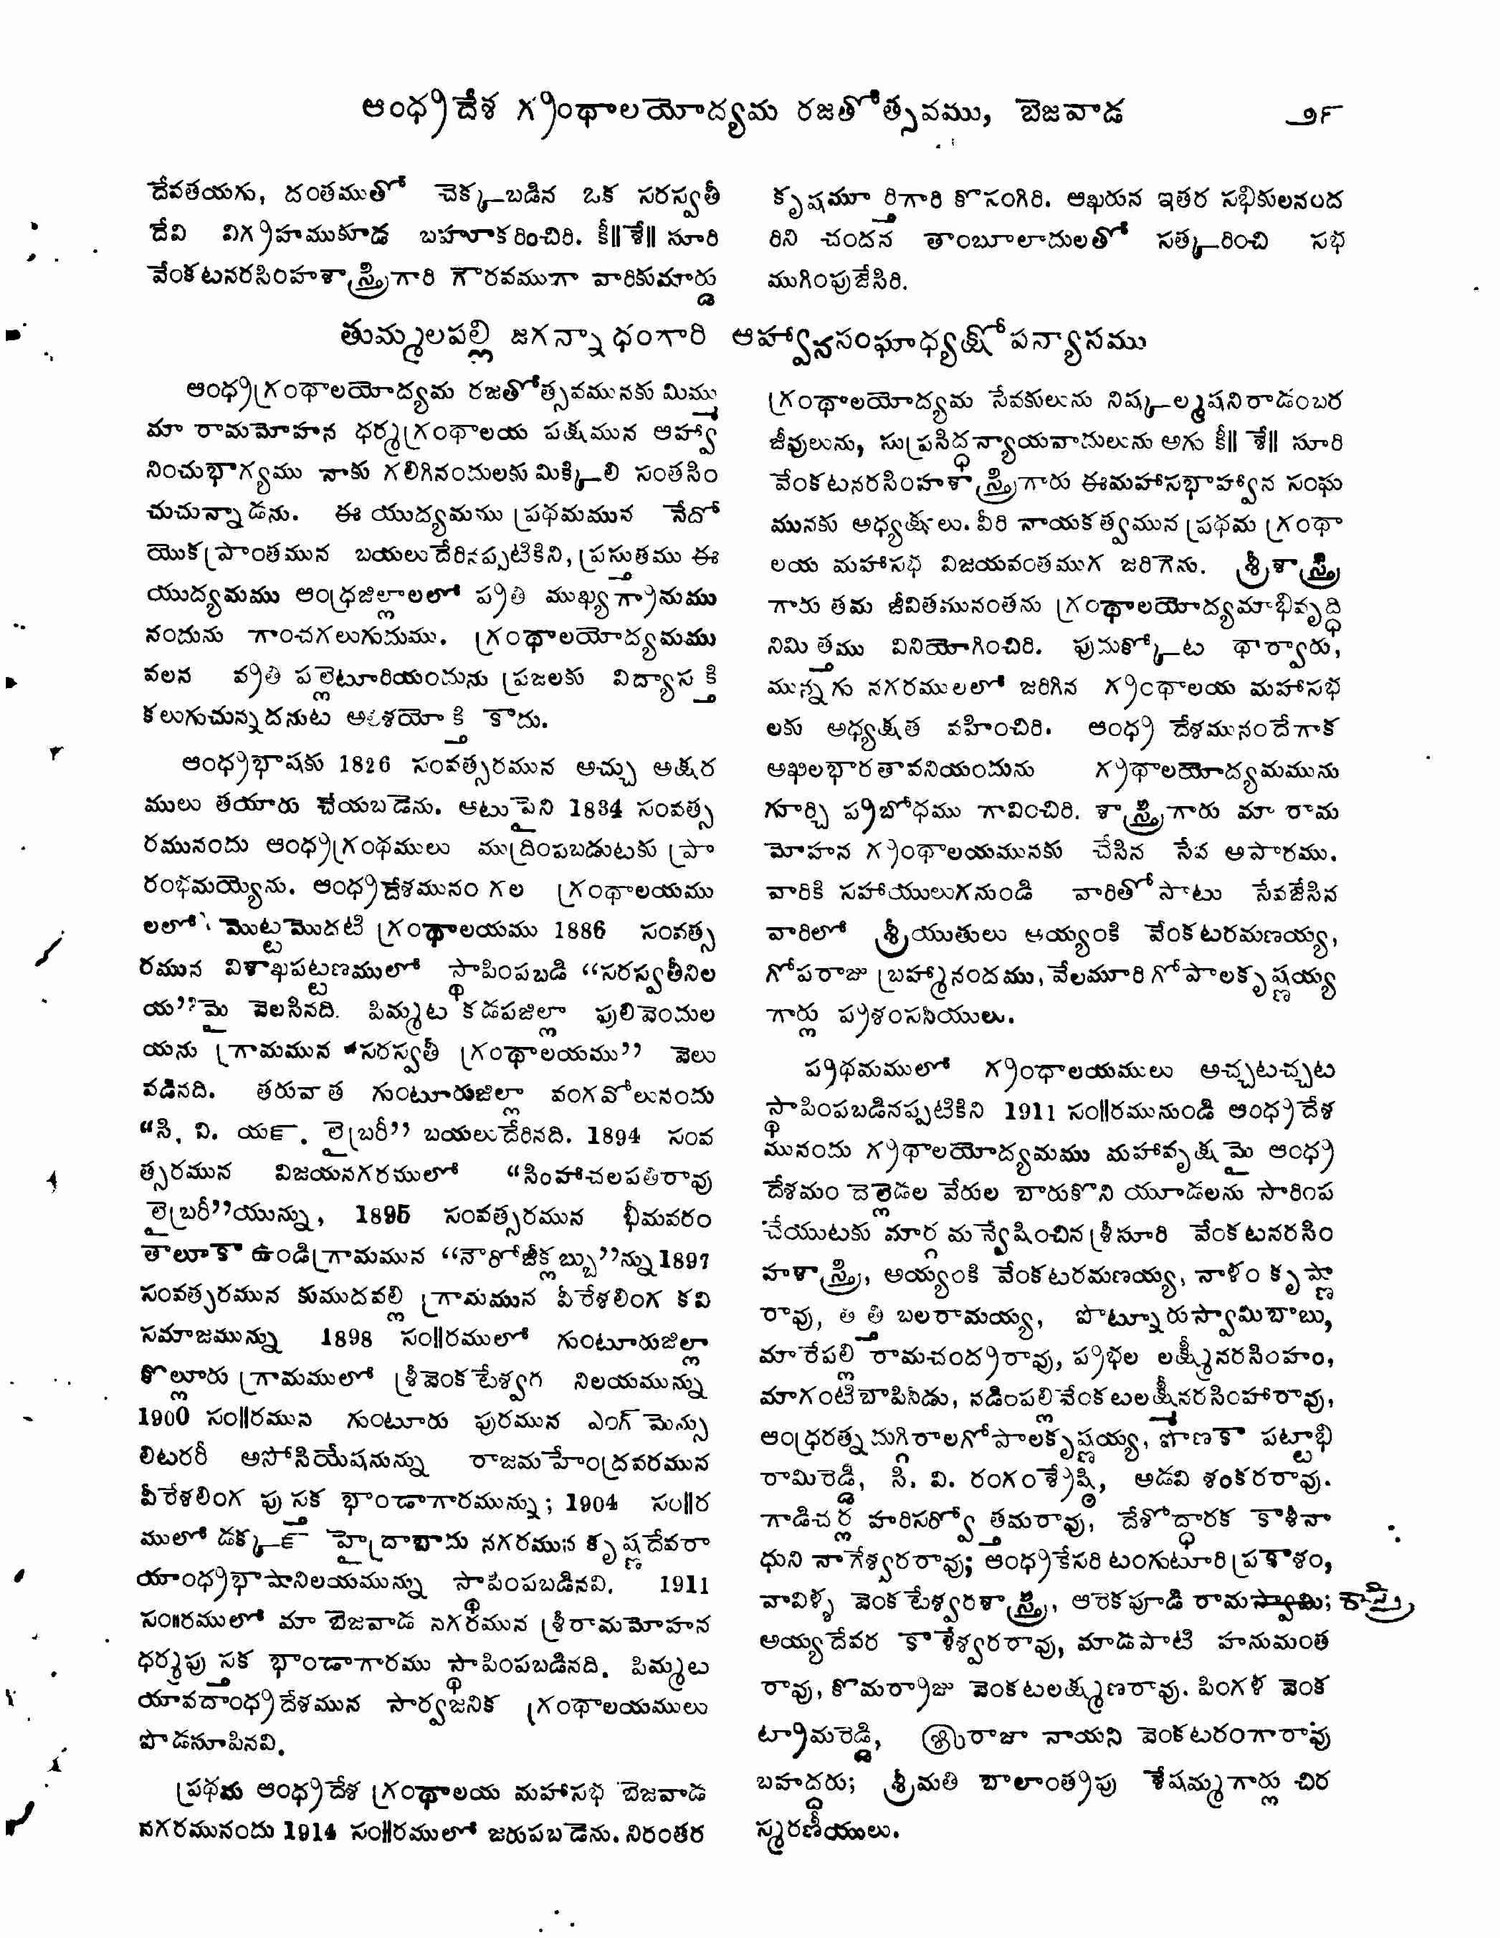దేవతయగు, దంతముతో చెక్కబడిన ఒక సరస్వతీ దేవి విగ్రహము కూడ బహూకరించిరి. కీ॥ శే॥ సూరి వేంకట నరసింహశాస్త్రిగారి గౌరవముగా వారికుమార్డు కృషమూర్తిగారి కొసంగిరి. ఆఖరున ఇతర సభికులనందరిని చందన తాంబూలాదులతో సత్కరించి సభ 
ముగింపుజేసిరి.

ఆంధ గ్రంథాలయోద్యమ రజతోత్సవమునకు మిము మా రామమోహన ధర్మగ్రంథాలయ పక్షమున ఆహ్వానించు భాగ్యము నాకు గలిగినందులకు మిక్కిలి సంతసించుచున్నాడను. ఈ యుద్యమము ప్రధమమున నేదో యొక ప్రాంతమును బయలు దేరినప్పటికిని, ప్రసుతము ఈయుద్యమము ఆంధ్రజిల్లాలలో ప్రతి ముఖ్య గ్రామమునందును గాంచగలుగుదుము. గ్రంథాలయోద్యమము వలన ప్రతి పల్లెటూరియందును ప్రజలకు విద్యాసక్తికలుగుచున్నదనుట అవశయోక్తి కాదు.

ఆంధ్రభాషకు 1826 సంవత్సరమున అచ్చు అక్షరములు తయారు చేయబడెను. ఆటుపైని 1834 సంవత్సరమునందు ఆంధ
గ్రంథములు ముద్రింపబడుటకు ప్రారంభమయ్యెను. ఆంధ్ర దేశమునం గల గ్రంథాలయములలో': మొట్టమొదటి గ్రంథాలయము 
1886 సంవత్సరమున విశాఖపట్టణములో స్థాపింపబడి “సరస్వతీ నిలయమై" వెలసినది. పిమ్మట కడపజిల్లా పులివెందులయను గ్రామమున “సరస్వతీ గ్రంథాలయము" వెలువడినది. తరువాత గుంటూరుజిల్లా వంగవోలునందు "సి.వి.య౯. లైబ్రరీ” బయలు దేరినది. 1894 సంవత్సరమున విజయనగరములో "సింహాచలపతిరావు లైబ్రరీ" యున్ను, 1895 సంవత్సరమున భీమవరం
తాలూకా ఉండి గ్రామమున “నౌరోజీక్లబ్బు" న్ను 1897 సంవత్సరమున కుముదవల్లి గ్రామమున వీరేశలింగ కవి 1898 సం॥రములో గుంటూరుజిల్లా సమాజమున్ను కొల్లూరు గ్రామములో శ్రీవెంకటేశ్వర నిలయమున్ను 1900 సం॥రమున గుంటూరు పురమున "ఎంగ్ 
మెన్సు లిటరరీ అసోసియేష"నున్ను రాజమహేంద్రవరమున వీరేశలింగ పుస్తక భాండాగారమున్ను; 1904 సం॥రములో దక్కని "హైద్రాబాదు నగరమున కృష్ణదేవరాయాంధ్ర భాషానిలయమున్ను స్టాపింపబడినవి. పిమ్మట యావదాంధ్ర దేశమున సార్వజనిక గ్రంథాలయములు పొడసూపినవి.

ప్రథమ ఆంధ్రదేశ గ్రంథాలయము మహాసభ మా బెజవాడ నగరము నందు 1914 సం॥రములో జరుపబడెను. నిరంతర 
గ్రంథాలయోద్యమ సేవకులును నిష్కల్మష నిరాడంబర జీవులును, సుప్రసిద్ధ న్యాయవాదులును అగు కీ॥శే॥ సూరి వేంకట
నరసింహశాస్త్రి గారు ఈమహాసభాహ్వాన సంఘమునకు అధ్యక్షులు. వీరి నాయకత్వమున ప్రథమ గ్రంథాలయ మహాసభ 
విజయవంతముగ జరిగెను. శ్రీ శాస్తిగారు తమ జీవితమునంతను గ్రంథాలయోద్యమాభివృద్ధి నిమిత్తము వినియోగించిరి. పుదుక్కోట ధార్వారు, మున్నగు నగరములలో జరిగిన గ్రంథాలయ మహాసభలకు అధ్యక్షత వహించిరి. ఆంధ్ర దేశమునందేగాక, అఖిల భారతావనియందును గ్రథాలయోద్యమమును గూర్చి ప్రబోధము గావించిరి. శాస్త్రి గారు మా రామ మోహన గ్రంథాలయమునకు చేసిన 
సేవ అపారము. వారికి సహాయులుగ నుండి వారితో పాటు సేవజేసిన వారిలో శ్రీయుతులు అయ్యంకి వెంకటరమణయ్య, గోపరాజు బ్రహ్మానందము, వేలమూరి గోపాలకృష్ణయ్య గార్లు ప్రశంసనీయులు.

ప్రథమములో గ్రంధాలయములు అచ్చటచ్చట స్థాపింపబడినప్పటికిని 1911 సం॥రము నుండి ఆంధ్రదేశమునందు గ్రథాలయోద్యమము మహావృక్షమై ఆంధ్రదేశమం దెల్లెడల చేయుటకు మాన్వేశ్వేషించిన శ్రీసూరి వేంకటనరసింహశాస్త్రి, అయ్యంకి వేంకటరమణయ్య, నాళం కృష్ణా రావు, తత్తి బలరామయ్య, పొట్నూరుస్వామి బాబు, మారేపల్లి రామచంద్రరావు, ప్రభల లక్ష్మీనరసింహం, మాగంటి బాపినీడు, నడింపల్లి వేంకటలక్ష్మీనరసింహారావు, ఆంధ్రరత్న దుగ్గిరాలగోపాలకృష్ణయ్య, పొణకా పట్టాభి రామిరెడ్డి, సి. వి. రంగం శ్రేష్ఠి, అడవి శంకరరావు. గాడిచర్ల హరిసర్వోత్తమరావు, దేశోద్ధారక కాశీనాధుని నాగేశ్వరరావు; ఆంధ్రకేసరి టంగుటూరి ప్రకాశం, వావిళ్ళ వెంకటేశ్వరశాస్త్రి, ఆరెకపూడి రామశాస్త్రి, అయ్యదేవర కాళేశ్వరరావు, మాడపాటి హనుమంతరావు, కొమర్రాజు వెంకటలక్ష్మణరావు. 
పింగళ వెంకట్రామరెడ్డి, శ్రీ రాజా నాయని వెంకటరంగారావు బహద్దరు; శ్రీమతి బాలాంత్రపు శేషమ్మ గార్లు చిరస్మరణీయులు.